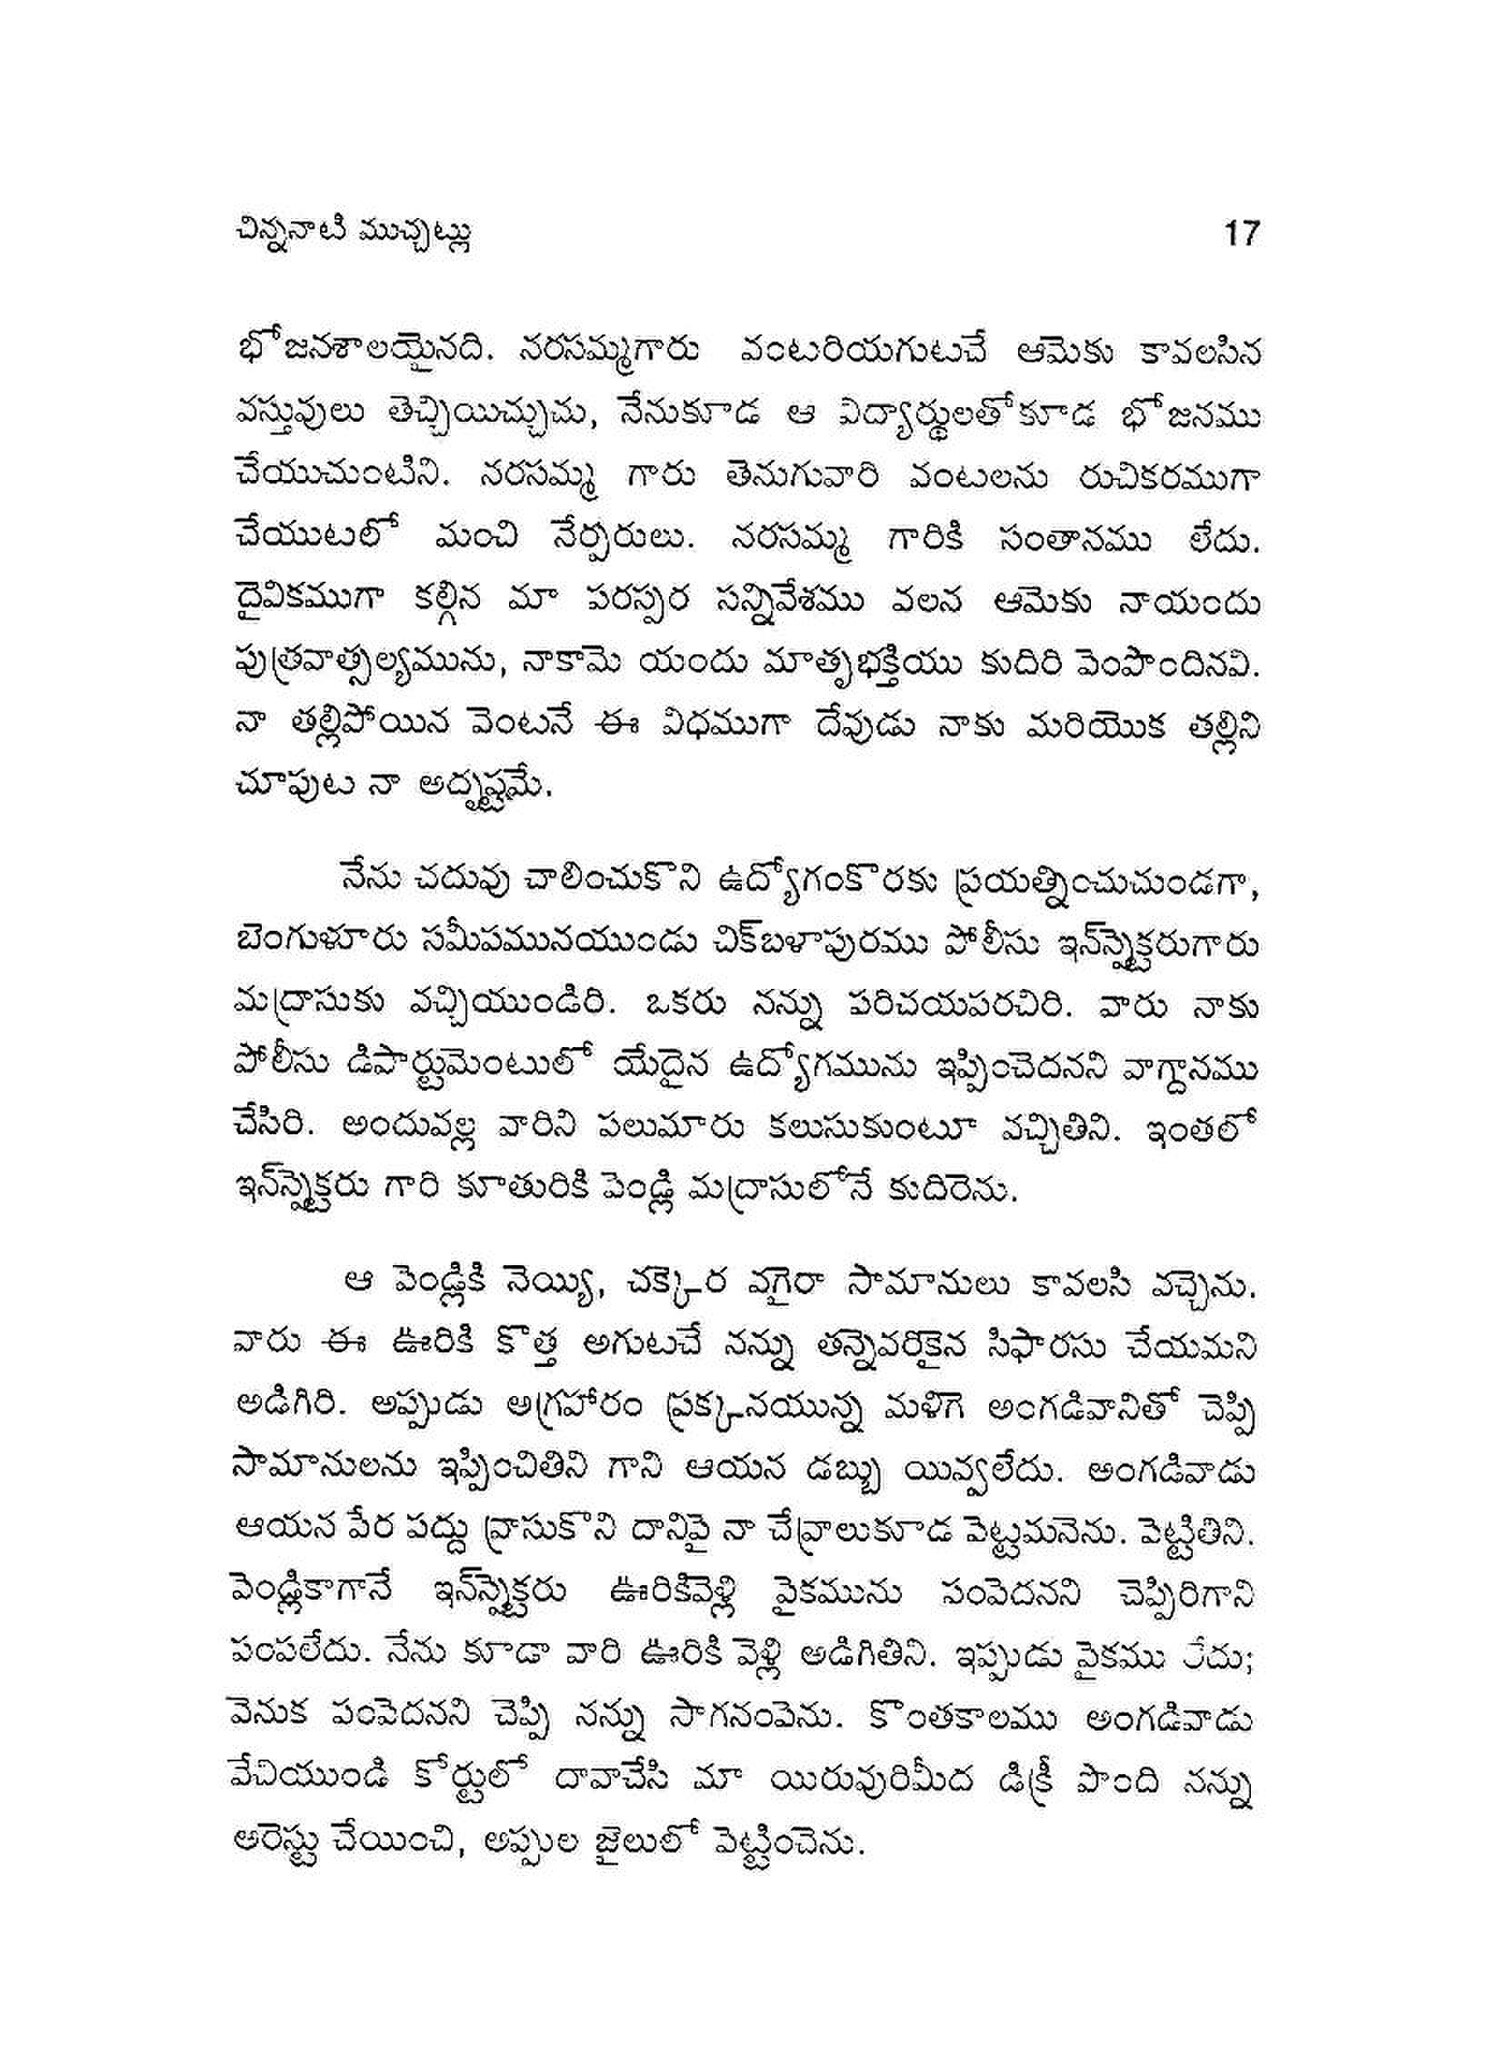భోజనశాలయైనది. నరసమ్మగారు వంటరియగుటచే ఆమెకు కావలసిన వస్తువులు తెచ్చియిచ్చుచు, నేనుకూడ ఆ విద్యార్థులతోకూడ భోజనము చేయుచుంటిని. నరసమ్మ గారు తెనుగువారి వంటలను రుచికరముగా చేయుటలో మంచి నేర్పరులు. నరసమ్మ గారికి సంతానము లేదు. దైవికముగా కల్గిన మా పరస్పర సన్నివేశము వలన ఆమెకు నాయందు పుత్రవాత్సల్యమును, నాకామె యందు మాతృభక్తియు కుదిరి పెంపొందినవి. నా తల్లిపోయిన వెంటనే ఈ విధముగా దేవుడు నాకు మరియొక తల్లిని చూపుట నా అదృష్టమే.

నేను చదువు చాలించుకొని ఉద్యోగంకొరకు ప్రయత్నించుచుండగా, బెంగుళూరు సమీపమునయుండు చిక్బళాపురము పోలీసు ఇన్సెక్టరుగారు మద్రాసుకు వచ్చియుండిరి. ఒకరు నన్ను పరిచయపరచిరి. వారు నాకు పోలీసు డిపార్టుమెంటులో యేదైన ఉద్యోగమును ఇప్పించెదనని వాగ్దానము చేసిరి. అందువల్ల వారిని పలుమారు కలుసుకుంటూ వచ్చితిని. ఇంతలో ఇన్సెక్టరు గారి కూతురికి పెండ్లి మద్రాసులోనే కుదిరెను.

ఆ పెండ్లికి నెయ్యి, చక్కెర వగైరా సామానులు కావలసి వచ్చెను. వారు ఈ ఊరికి కొత్త అగుటచే నన్ను తన్నెవరికైన సిఫారసు చేయమని అడిగిరి. అప్పడు అగ్రహారం ప్రక్కనయున్న మళిగె అంగడివానితో చెప్పి సామానులను ఇప్పించితిని గాని ఆయన డబ్బు యివ్వలేదు. అంగడివాడు ఆయన పేర పద్దు వ్రాసుకొని దానిపై నా చేవ్రాలుకూడ పెట్టమనెను. పెట్టితిని, పెండ్లికాగానే ఇన్స్పెక్టరు ఊరికివెళ్లి పైకమును పంపెదనని చెప్పిరిగాని పంపలేదు. నేను కూడా వారి ఊరికి వెళ్లి అడిగితిని, ఇప్పుడు పైకము లేదు; వెనుక పంపెదనని చెప్పి నన్ను సాగనంపెను. కొంతకాలము అంగడివాడు వేచియుండి కోర్టులో దావాచేసి మా యిరువురిమీద డిక్రీ పొంది నన్ను అరెస్టు చేయించి, అప్పుల జైలులో పెట్టించెను.